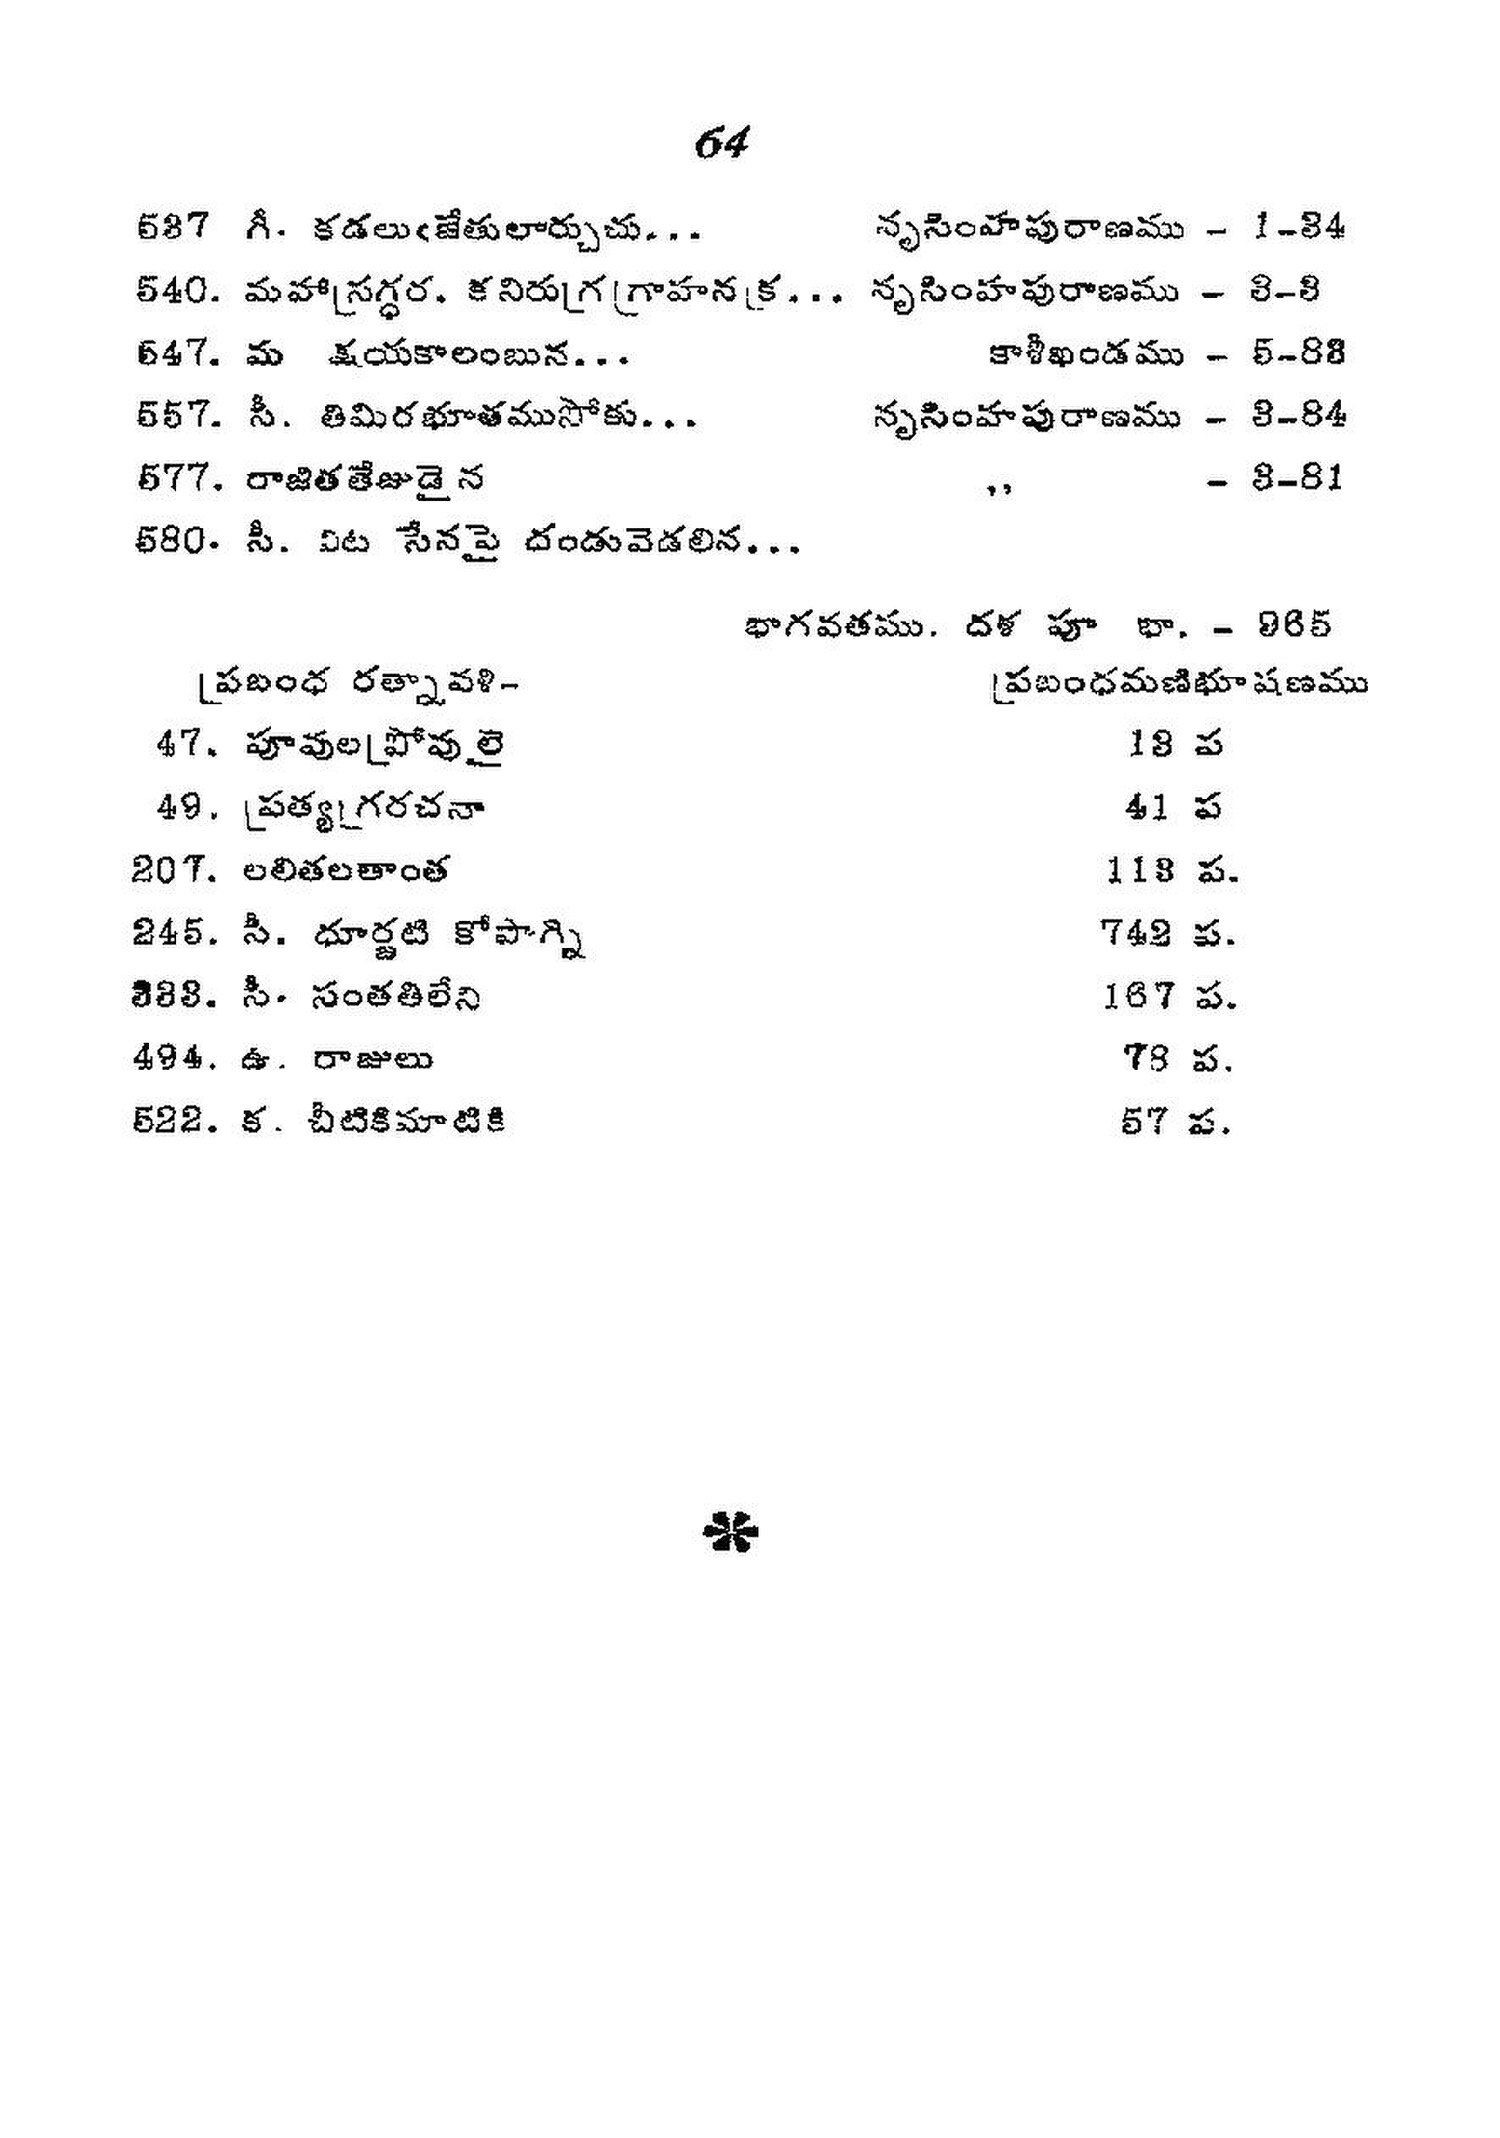537 గీ. కడలుఁజేతులార్చుచు. . .............నృసింహపురాణము
540. మహాస్రగ్ధర, కనిరుఊగ్రాహనక్ర........ నృసింహపురాణము
647. మ క్షయకాలంబున........................కాశీఖండము
557. సీ. తిమిరభూతముసోకు................ నృసింహపురాణము
557. రాజిత తేజుడైన........................... "
580. సీ. విట సేనపై దండు వెడలిన...భాగవతము. దశ పూ. భా. 965

 

47, పూవుల ప్రోవులై ... 13 ప
49. ప్రత్య! గరచనా...................41 ప
207. లలితలతాంత................113 ప
245. సీ. ధూర్జటి కోపొగ్ని..........742 ప
283. సీ. సంతతిలేని...............167 ప
494. ఉ. రాజులు......................78 ప
522. క. చీటికిమాటికీ.................57 ప